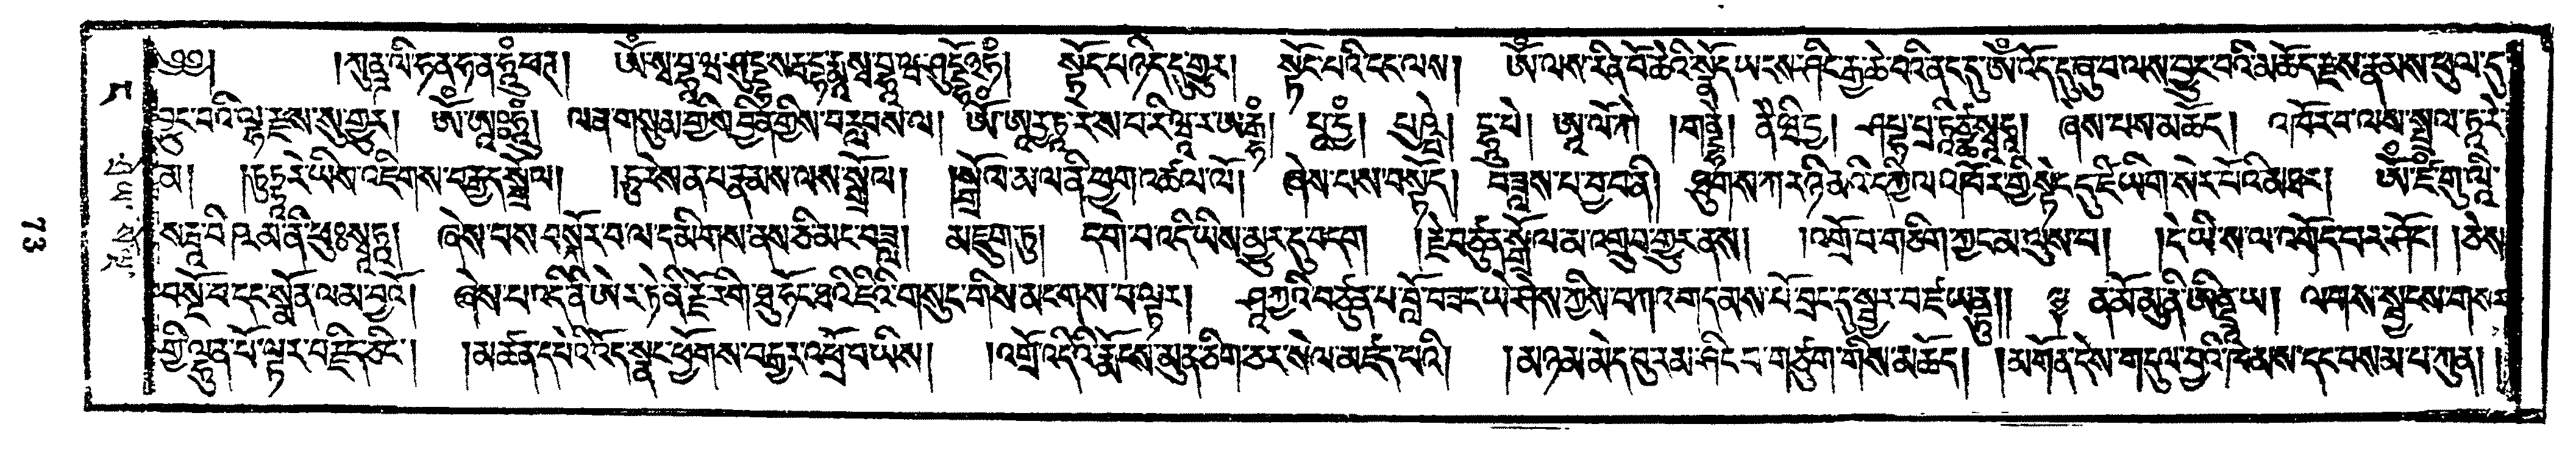༄༅། །ཀུནྜ་ལི་ཧ་ན་ཧ་ན་ཧཱུཾ་ཕཊ། ཨོཾ་སྭ་བྷཱ་ཝ་ཤུདྡྷ་སརྦ་དྷརྨཱ་སྭ་བྷཱ་ཝ་ཤུདྡྷོཉཧཾ། སྟོང་པ་ཉིད་དུ་གྱུར། སྟོང་པའི་ངང་ལས། ཨོཾ་ལས་རིན་པོ་ཆེའི་སྣོད་ཡངས་ཤིང་རྒྱ་ཆེ་བའི་ནང་དུ་ཨོཾ་འོད་དུ་ཞུ་པ་ལས་བྱུང་པའི་མཆོད་རྫས་རྣམས་ཕུལ་དུ་
བྱུང་བའི་ལྷ་རྫས་སུ་གྱུར། ཨོཾ་ཨཱཿ ཧཱུཾ། ལན་གསུམ་གྱིས་བྱིན་གྱིས་བརླབས་ལ། ཨོཾ་ཨཱ་རྱ་ཏཱ་རེ་ས་པ་རི་ཝཱ་ར་ཨརྒྷཾ། པཱ་དྱཾ། པུཥྤེ། དྷཱུ་པེ། ཨཱ་ལོ་ཀེ། གནྡྷེ། ནཻ་ཝི་དྱ། ཤཔྟ་པྲ་ཏཱི་ཙྪ་སྭཱཧཱ། ཞེས་པས་མཆོད། འཁོར་བ་ལས་སྤྲལ་ཏཱ་རེ་
མ། །ཏུ་ཏྟཱ་རེ་ཡིས་འཇིགས་བརྒྱད་སྒྲོལ། །ཏུ་རེས་ན་པ་རྣམས་ལས་སྒྲོལ། །སྒྲོལ་མ་ལ་ནི་ཕྱག་འཚལ་ལོ། ཞེས་པས་བསྟོད། བཟླས་པ་བྱ་བ་ནི། ཐུགས་ཀར་ཉི་མའི་དཀྱིལ་འཁོར་གྱི་སྟེང་དུ་ཛི་ཡིག་སེར་པོའི་མཐར། ཨོཾ་ཛཾ་གུ་ལཱི་
སརྦཱ་བི་ཥ་མ་ནི་ཕུཿ སྭཱཧཱ། ཞེས་པས་བསྐོར་བ་ལ་དམིགས་ནས་ཅི་མང་བཟླ། མཇུག་ཏུ། དགེ་བ་འདི་ཡིས་མྱུར་དུ་བདག །རྗེ་བཙུན་སྒྲོལ་མ་འགྲུབ་གྱུར་ནས། །འགྲོ་བ་གཅིག་ཀྱང་མ་ལུས་བ། །དེ་ཡི་ས་ལ་འགོད་པར་ཤོང་། །ཅེས་
བསྔོ་བ་དང་སྨོན་ལམ་བྱའོ། །ཞེས་པ་འདི་ནི་ཨེར་ཏེ་ནི་རྗོ་རིག་ཐུ་ཧོང་ཐའི་ཇིའི་གསུང་གིས་མང་གས་པ་ལྟར། ཤཱཀྱའི་བཙུན་པ་བློ་བཟང་ཡེ་ཤེས་ཀྱིས་བཀའ་གདམས་པོ་བྲང་དུ་སྦྱར་བ་ཛ་ཡན་ཏུ།། ༈ན་མོ་མུ་ནི་ཨིནྡྲཱ་ཡ། ལགས་སྦྱངས་གསར་
གྱི་ལྷུན་པོ་ལྟར་བརྗིད་ཅིང་། །མཚན་དཔེའི་འོད་སྣང་ཕྱོགས་བརྒྱར་འཕྲོ་བ་ཡིས། །འགྲོ་འདིའི་རྨོངས་མུན་ཅིག་ཅར་སེལ་མཛད་པའི། །མཉམ་མེད་བུ་རམ་ཤིང་བ་གཙུག་གིས་མཆོད། །མགོན་དེས་གདུལ་བྱའི་ཁམས་དང་བསམ་པ་ཀུན།།